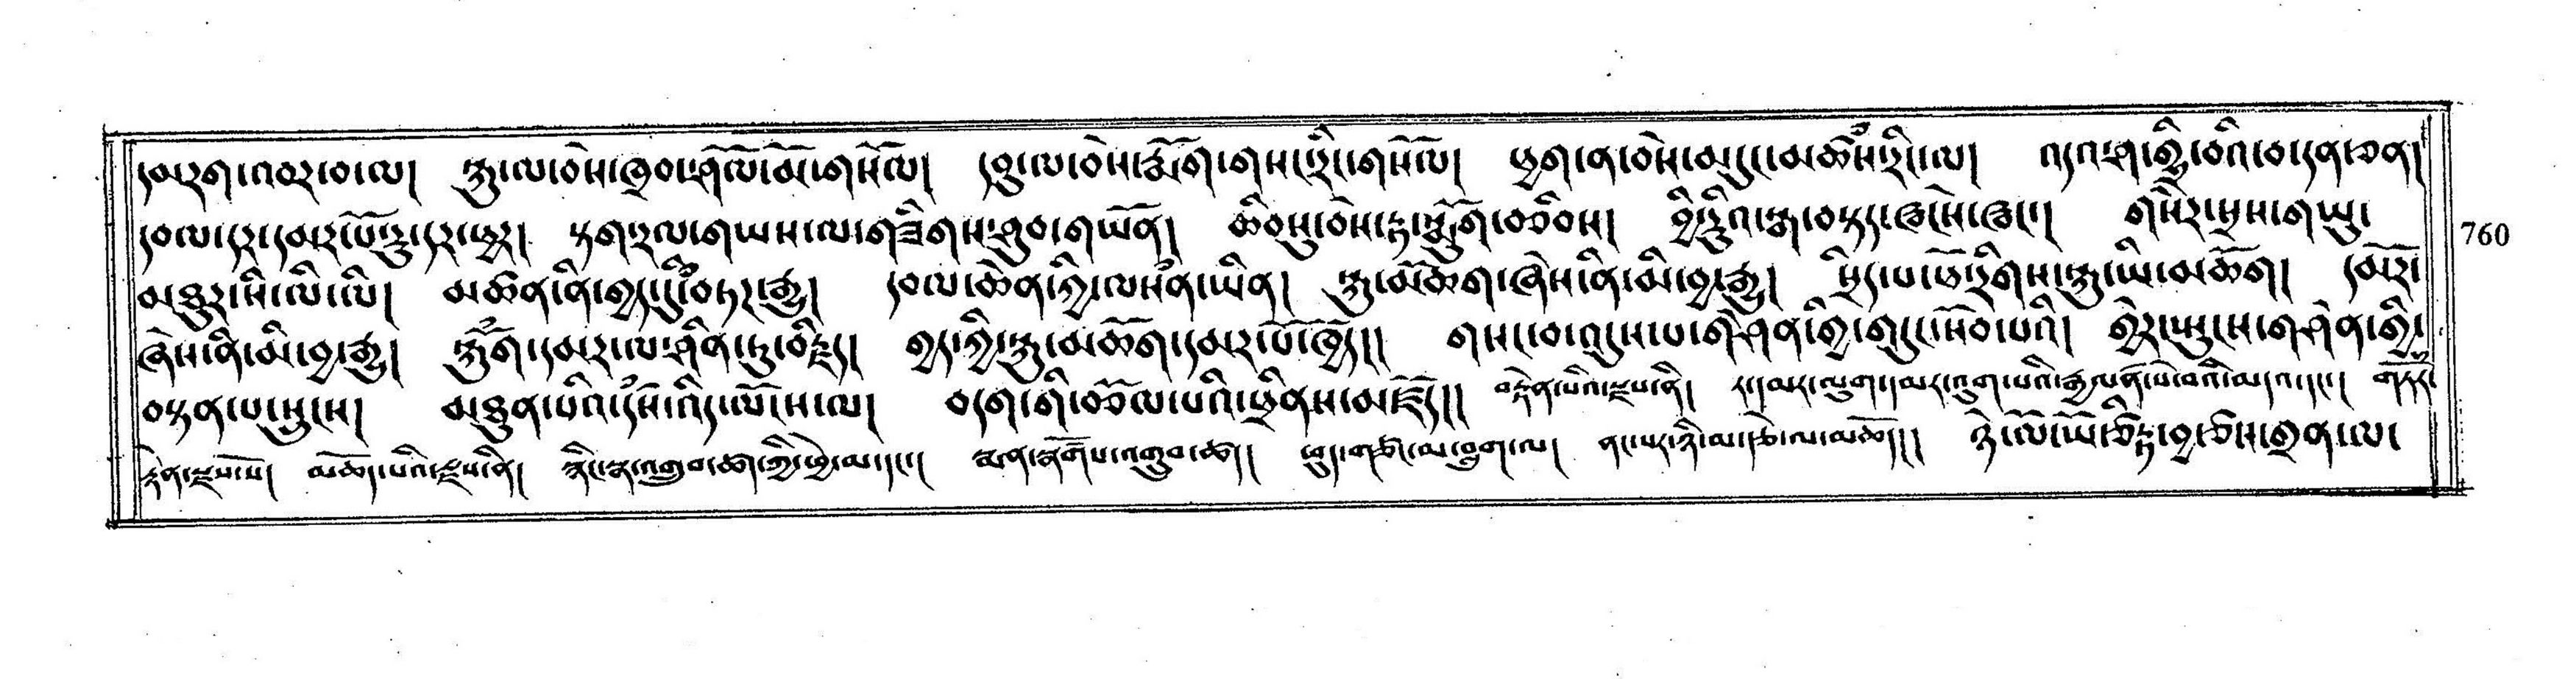དམར་ནག་འབར་བ་ལ། སྐུ་ལ་བསེ་ཁྲབ་ཤོལ་མོ་གསོལ། དབུ་ལ་བསེ་རྨོག་གསང་རིང་གསོལ། ཕྱག་ན་བསེ་མདུང་མཚམས་རིང་ལ། འདའ་ཤ་གྷྲི་བའི་བ་དན་ཅན། 
དབལ་དར་དམར་པོ་རུ་དར་ཕྱར། སྟག་རལ་གཡས་ལ་གཟིགས་ཤུབ་གཡོན། ཆིབས་སུ་བསེ་རྟ་སྨུག་པོ་བཅིབས། བྱི་རུའི་སྒ་བསྟད་ཝངསེ་ཝང་། གསེར་སྲབ་གཡུ་
མཐུར་སི་ལི་ལི། མཚན་ནི་གྱད་དུ་མི་བཏགས་རྒྱུ། དབལ་ཆེན་༼༽ཀྱི་ལས་མཁན་ཡིན། སྐུ་མཆོག་ཞེས་ནི་མི་བྱ་རྒྱུ། སྲིད་པ་ཕོ་རིགས་སྐུ་ཡི་མཆོག དམར་པོ་
ཞེས་ནི་མི་བྱ་རྒྱུ། སྐུ་མདོག་དམར་ལ་ཤིན་ཏུ་བརྗིད། གྱད་ཀྱི་སྐུ་མཆོག་དམར་པོ་ཁྱོད།། གསང་བ་འདུས་པ་གཤེན་གྱི་གདུང་སོབ་པའི། གྱེར་སྤུངས་གཤེན་གྱི་
བསྟན་པ་སྲུངས། མཐུན་པའི་དམ་རྫས་འདི་ལོངས་ལ། བདག་གི་བཅོལ་པའི་ཕྲིན་ལས་མཛོད།། བརྟེན་པའི་རྫས་ནི། ར་དམར་ལུག་དམར་འུག་པའི་རྒྱལ་མཚན་སེ་བའི་མདའ་དང་། གཏོར་
མ་རྟེན་རྫས་སོ། མཆོད་པའི་རྫས་ནི། སྙིང་སྣ་འགྲུབ་ཚད་ཀྱི་ཕྱེ་མ་དང་། སྨན་སྣ་ཚོགས་འགྲུབ་ཚད། ཕུད་གཙང་མ་བླུག་ལ། ནང་པར་ཉི་མ་རྩེ་ལ་མཆོད།། ཉེ་ལོ་ཡོ་ཙིཏྟ་བྱ་ཙས་གྲན་